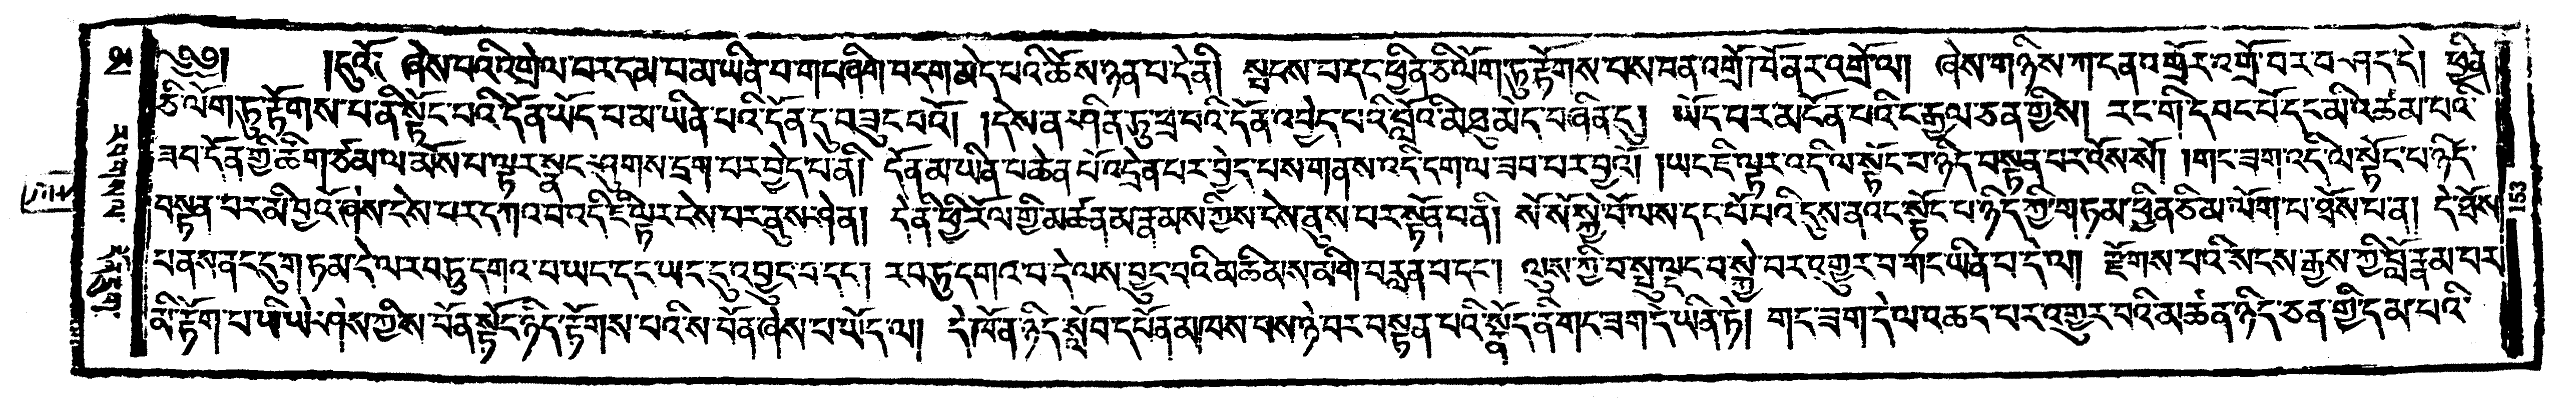༄༅། །དུའོ༑ །ཞེས་པའི་འགྲེལ་པར་དམ་པ་མ་ཡིན་པ་གང་ཞིག་བདག་མེད་པའི་ཆོས་ཉན་པ་དེ་ནི། སྤངས་པ་དང་ཕྱིན་ཅི་ལོག་ཏུ་རྟོགས་པས་ངན་འགྲོ་ཁོ་ནར་འགྲོ་ལ། ཞེས་གཉིས་ཀ་ངན་འགྲོར་འགྲོ་བར་བཤད་དེ། ཕྱིན་
ཅི་ལོག་ཏུ་རྟོགས་པ་ནི་སྟོང་པའི་དོན་ཡོད་པ་མ་ཡིན་པའི་དོན་དུ་བཟུང་བའོ། །དེས་ན་ཤིན་ཏུ་ཕྲ་བའི་དོན་འབྱེད་པའི་བློའི་མཐུ་མེད་བཞིན་དུ། ཡོད་པར་མངོན་པའི་ང་རྒྱལ་ཅན་གྱིས། རང་གི་དབང་པོ་དང་མི་འཚམས་པའི་
ཟབ་དོན་གྱི་ཚིག་ཙམ་ལ་མོས་པ་ལྟར་སྣང་ཤུགས་དྲག་པར་བྱེད་པ་ནི། དོན་མ་ཡིན་པ་ཆེན་པོ་འདྲེན་པར་བྱེད་པས་གནས་འདི་དག་ལ་གཟབ་པར་བྱའོ། །ཡང་ཇི་ལྟར་འདི་ལ་སྟོང་པ་ཉིད་བསྟན་པར་འོས་སོ། །གང་ཟག་འདི་ལ་སྟོང་པ་ཉིད་
བསྟན་པར་མི་བྱའོ་ཞེས་ངེས་པར་དཀའ་བ་འདི་ཇི་ལྟར་ངེས་པར་ནུས་ཤེ་ན། དེ་ནི་ཕྱི་རོལ་གྱི་མཚན་མ་རྣམས་ཀྱིས་ངེས་ནུས་པར་སྟོན་པ་ནི། སོ་སོ་སྐྱེ་བོ་ལས་དང་པོ་པའི་དུས་ནའང་སྟོང་པ་ཉིད་ཀྱི་གཏམ་ཕྱིན་ཅི་མ་ལོག་པ་ཐོས་པ་ན། དེ་ཐོས་
པ་ནས་ནང་དུ་གཏམ་དེ་ལ་རབ་ཏུ་དགའ་བ་ཡང་དང་ཡང་དུ་འབྱུང་པ་དང་། རབ་ཏུ་དགའ་བ་དེ་ལས་བྱུང་བའི་མཆི་མས་མིག་བརླན་པ་དང་། ལུས་ཀྱི་བ་སྤུ་ལྡང་བ་སྐྱེ་བར་འགྱུར་བ་གང་ཡིན་པ་དེ་ལ། རྫོགས་པའི་སངས་རྒྱས་ཀྱི་བློ་རྣམ་པར་
མི་རྟོག་པ་ཡི་ཡེ་ཤེས་ཀྱི་ས་བོན་སྟོང་ཉིད་རྟོགས་པའི་ས་བོན་ཞེས་པ་ཡོད་ལ། དེ་ཁོ་ན་ཉིད་སློབ་དཔོན་མཁས་པས་ཉེ་བར་བསྟན་པའི་སྣོད་ནི་གང་ཟག་དེ་ཡིན་ཏེ། གང་ཟག་དེ་ལ་འཆད་པར་འགྱུར་བའི་མཚན་ཉིད་ཅན་གྱི་དམ་པའི་